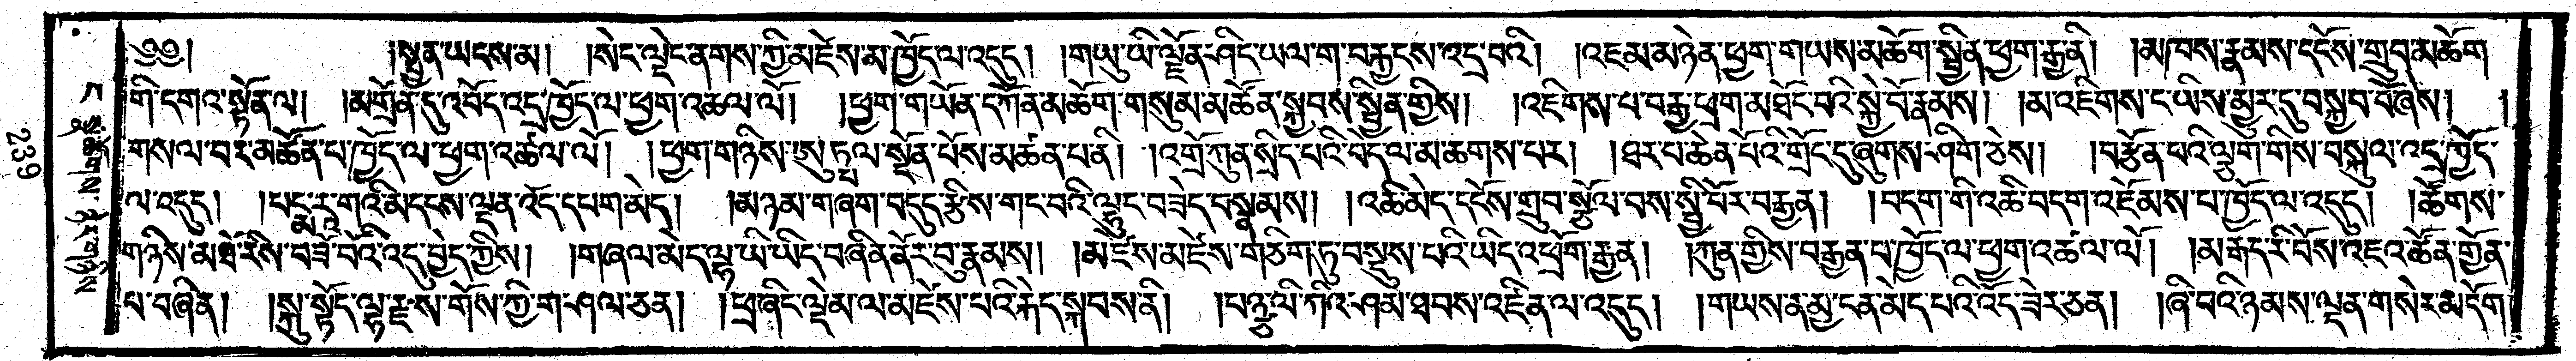༄༅། །སྤྱན་ཡངས་མ། །སེང་ལྡེང་ནགས་ཀྱི་མཛེས་མ་ཁྱོད་ལ་འདུད། །གཡུ་ཡི་ལྗོན་ཤིང་ཡལ་ག་བརྐྱངས་འདྲ་བའི། །འཇམ་མཉེན་ཕྱག་གཡས་མཆོག་སྦྱིན་ཕྱག་རྒྱ་ནི། །མཁས་རྣམས་དངོས་གྲུབ་མཆོག་
གི་དགའ་སྟོན་ལ། །མགྲོན་དུ་འབོད་འདྲ་ཁྱོད་ལ་ཕྱག་འཚལ་ལོ། །ཕྱག་གཡོན་དཀོན་མཆོག་གསུམ་མཚོན་སྐྱབས་སྦྱིན་གྱིས། །འཇིགས་པ་བརྒྱ་ཕྲག་མཐོང་བའི་སྐྱེ་བོ་རྣམས། །མ་འཇིགས་ང་ཡིས་མྱུར་དུ་བསྐྱབ་བོ་ཞེས། །
གསལ་བར་མཚོན་པ་ཁྱོད་ལ་ཕྱག་འཚལ་ལོ། །ཕྱག་གཉིས་ཨུཏྤལ་སྔོན་པོས་མཚན་པ་ནི། །འགྲོ་ཀུན་སྲིད་པའི་བདེ་ལ་མ་ཆགས་པར། །ཐར་པ་ཆེན་པོའི་གྲོང་དུ་ཞུགས་ཤིག་ཅེས། །བརྩོན་པའི་ལྕག་གིས་བསྐུལ་འདྲ་ཁྱོད་
ལ་འདུད། །པདམ་རཱ་གའི་མདངས་ལྡན་འོད་དཔག་མེད། །མཉམ་གཞག་བདུད་རྩིས་གང་བའི་ལྷུང་བཟེད་བསྣམས། །འཆི་མེད་དངོས་གྲུབ་སྩོལ་བས་སྤྱི་བོར་བརྒྱན། །བདག་གི་འཆི་བདག་འཇོམས་པ་ཁྱོད་ལ་འདུད། །ཚོགས་
གཉིས་མཐོ་རིས་བཟོ་བའི་འདུ་བྱེད་ཀྱིས། །གཞལ་མེད་ལྷ་ཡི་ཡིད་བཞིན་ནོར་བུ་རྣམས། །མཛེས་མཛེས་གཅིག་ཏུ་བསྡུས་པའི་ཡིད་འཕྲོག་རྒྱན། །ཀུན་གྱིས་བརྒྱན་པ་ཁྱོད་ལ་ཕྱག་འཚལ་ལོ། །མྲྒད་རི་བོས་འཇའ་ཚོན་གྱོན་
པ་བཞིན། །སྐུ་སྟོད་ལྷ་རྫས་གོས་ཀྱི་ག་ཤལ་ཅན། །ཕྲ་ཞིང་ལྡེམ་ལ་མཛེས་པའི་རྐེད་སྐབས་ནི། །པཉྩ་ལི་ཀའི་ཤམ་ཐབས་འཛིན་ལ་འདུད། །གཡས་ན་མྱ་ངན་མེད་པའི་འོད་ཟེར་ཅན། །ཞི་བའི་ཉམས་ལྡན་གསེར་མདོག་